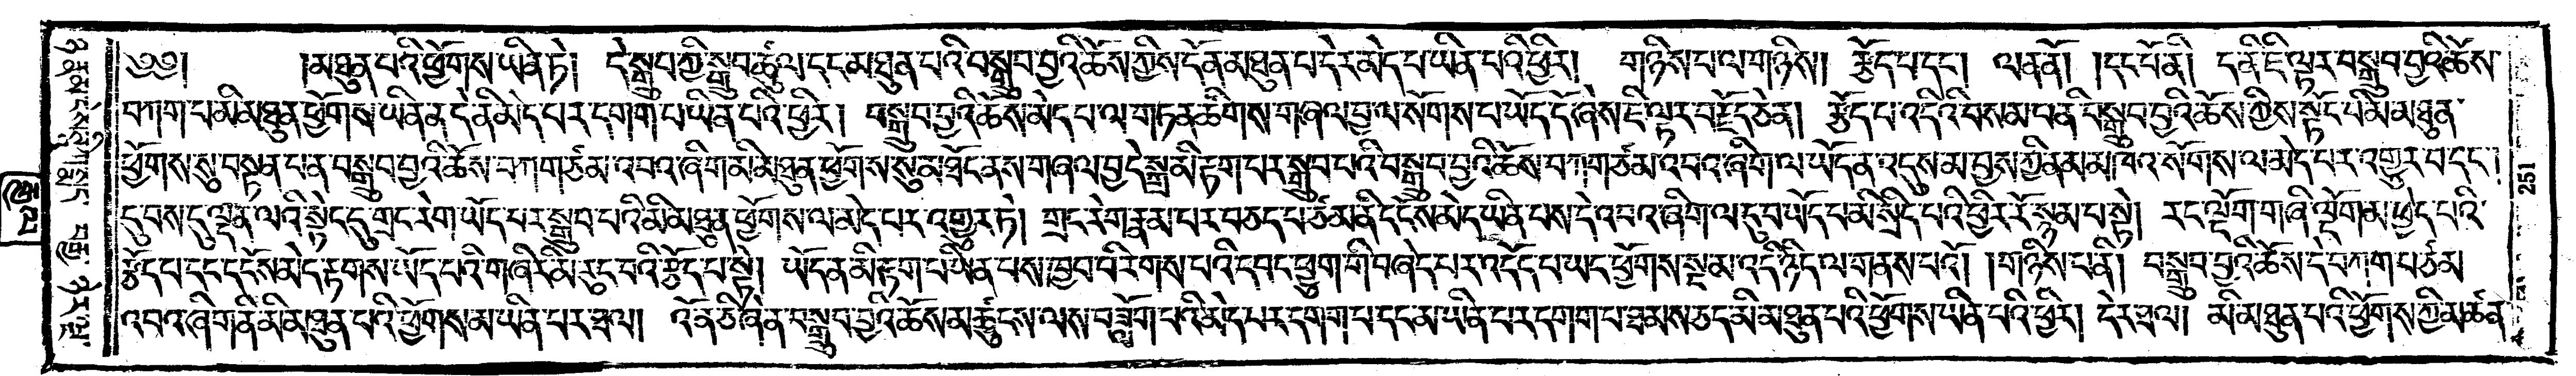༄༅། །མཐུན་པའི་ཕྱོགས་ཡིན་ཏེ། དེ་སྒྲུབ་ཀྱི་སྒྲུབ་ཚུལ་དང་མཐུན་པའི་བསྒྲུབ་བྱའི་ཆོས་ཀྱིས་དོན་མཐུན་པ་དེར་མེད་པ་ཡིན་པའི་ཕྱིར། གཉིས་པ་ལ་གཉིས། རྩོད་པ་དང་། ལན་ནོ། །དང་པོ་ནི། ད་ནི་ཇི་ལྟར་བསྒྲུབ་བྱའི་ཚེས་
བཀག་པ་མི་མཐུན་ཕྱོགས་ཡིན་ན་དེ་ནི་མེད་པར་དགག་པ་ཡིན་པའི་ཕྱིར། བསྒྲུབ་བྱའི་ཆོས་མེད་པ་ལ་གཏན་ཚིགས་གཞལ་བྱ་ལ་སོགས་པ་ཡོད་དོ་ཞེས་ཇི་ལྟར་བརྗོད་ཅེ་ན། རྩོད་པ་འདིའི་བསམ་བ་ནི་བསྒྲུབ་བྱའི་ཆོས་ཀྱིས་སྟོང་པ་མི་མཐུན་
ཕྱོགས་སུ་བསྟན་པ་ན་བསྒྲུབ་བྱའི་ཆོས་བཀག་ཙམ་འབའ་ཞིག་མི་མཐུན་ཕྱོགས་སུ་མཐོང་ནས་གཞལ་བྱ་དེ་སྒྲ་མི་རྟག་པར་སྒྲུབ་པའི་བསྒྲུབ་བྱའི་ཆོས་བཀག་ཙམ་འབའ་ཞིག་ལ་ཡོད་ན་འདུས་མ་བྱས་ཀྱི་ནམ་མཁའ་སོགས་ལ་མེད་པར་འགྱུར་བ་དང་།
དུ་བས་དུ་ལྡན་ལའི་སྟེང་དུ་གྲང་རེག་ཡོད་པར་སྒྲུབ་པའི་མི་མཐུན་ཕྱོགས་ལ་མེད་པར་འགྱུར་ཏེ། གྲང་རེག་རྣམ་པར་བཅད་པ་ཙམ་ནི་དངོས་མེད་ཡིན་པས་དེ་འབའ་ཞིག་ལ་དུ་བ་ཡོད་པ་མི་སྲིད་པའི་ཕྱིར་རོ་སྙམ་པ་སྟེ། རང་ལྡོག་གཞི་ལྡོག་མ་ཕྱེད་པའི་
རྩོད་པ་དང་དངོས་མེད་རྟགས་ཡོད་པའི་གཞིར་མི་རུང་བའི་རྩོད་པ་སྟེ། ཡོད་ན་མི་རྟག་པ་ཡིན་པས་ཁྱབ་པ་རིགས་པའི་དབང་ཕྱུག་གི་བཞེད་པར་འདོད་པ་ཡང་ཕྱོགས་སྔ་མ་འདི་ཉིད་ལ་གནས་པའོ། །གཉིས་པ་ནི། བསྒྲུབ་བྱའི་ཆོས་དེ་བཀག་པ་ཙམ་
འབའ་ཞིག་ནི་མི་མཐུན་པའི་ཕྱོགས་མ་ཡིན་པར་ཐལ། འོ་ན་ཅི་ཞེ་ན་བསྒྲུབ་བྱའི་ཆོས་མཚུངས་ལས་བཟློག་པའི་མེད་པར་དགག་པ་དང་མ་ཡིན་པར་དགག་པ་ཐམས་ཅད་མི་མཐུན་པའི་ཕྱོགས་ཡིན་པའི་ཕྱིར། དེར་ཐལ། མི་མཐུན་པའི་ཕྱོགས་ཀྱི་མཚན་